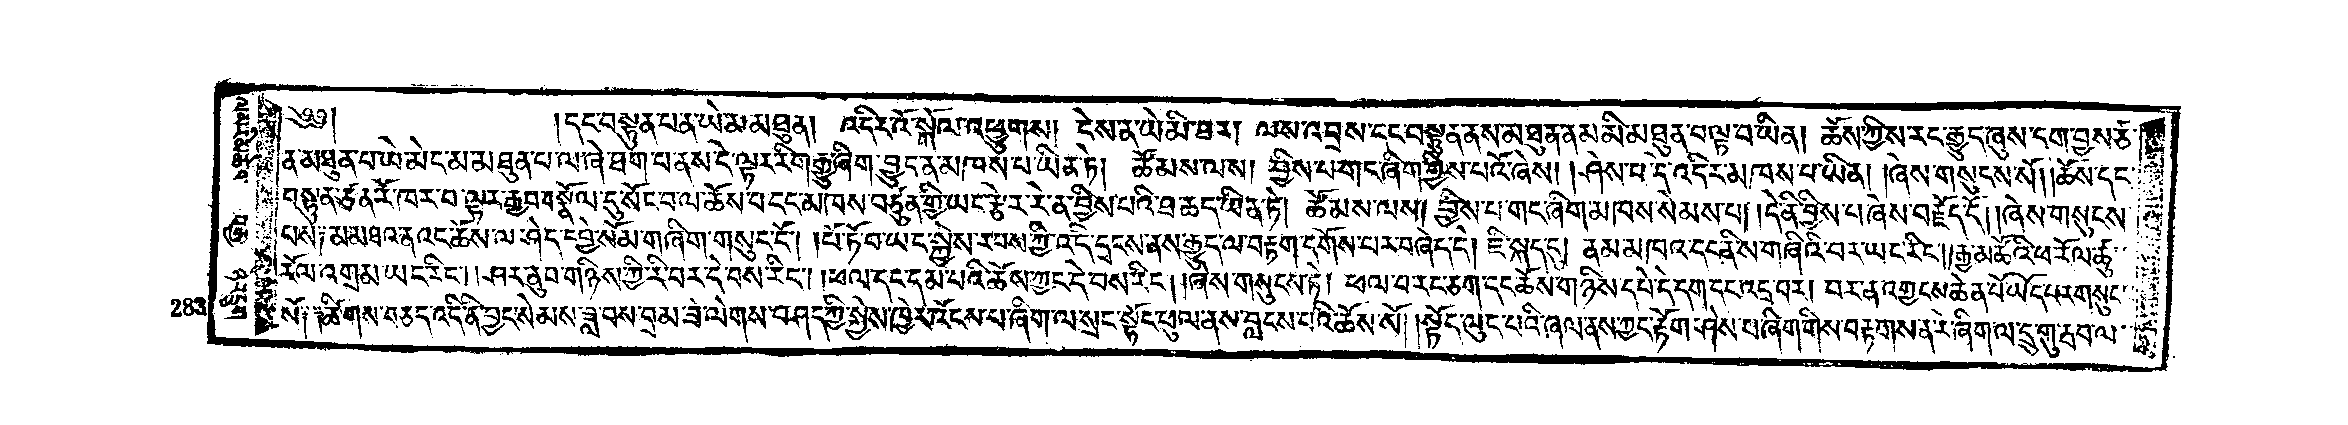༄༅། །དང་བསྟུན་པ་ན་ཡེ་མ་མཐུན། འདིར་འོ་སྐོལ་འཕྱུགས། དེས་ན་ཡེ་མི་ཐར། ལས་འབྲས་དང་བསྟུན་ནས་མཐུན་ནམ་མི་མཐུན་བལྟ་བ་ཡིན། ཆོས་ཀྱིས་རང་རྒྱུད་ཞུས་དག་བྱས་ཙ་
ན་མཐུན་པ་ཡེ་མེད་མ་མཐུན་པ་ལ་ཞེ་ཐག་པ་ནས་དེ་ལྟར་རིག་རྒྱུ་ཞིག་བྱུང་ན་མཁས་པ་ཡིན་ཏེ། ཚོམས་ལས། བྱིས་པ་གང་ཞིག་བྱིས་པའོ་ཞེས། །ཤེས་པ་དེ་འདིར་མཁས་པ་ཡིན། །ཞེས་གསུངས་སོ། །ཆོས་དང་
བསྟུན་ཙ་ན་རོ་ཁུར་བ་ལྟར་རྒྱབ་བསྣོལ་དུ་སོང་བ་ལ་ཆོས་པ་དང་མཁས་བཙུན་གྱི་ཡང་རྩེར་རེ་ན་བྱིས་པའི་ཐ་ཆད་ཡིན་ཏེ། ཚོམས་ལས། བྱིས་པ་གང་ཞིག་མཁས་སེམས་པ། །དེ་ནི་བྱིས་པ་ཞེས་བརྗོད་དོ། །ཞེས་གསུངས་
པས༑ མ་མཐའ་ནའང་ཆོས་ལ་ཤེད་དབྱེ་སོམ་གཞིག་གསུང་ངོ། །པོ་ཏོ་བ་ཡང་སྐྱེས་རབས་ཀྱི་འདི་དྲངས་ནས་རྒྱུད་ལ་བརྟག་དགོས་པར་བཞེད་དེ། ཇི་སྐད་དུ། ནམ་མཁའ་དང་ནི་ས་གཞིའི་བར་ཡང་རིང་། །རྒྱ་མཚོའི་ཕ་རོལ་ཚུ་
རོལ་འགྲམ་ཡང་རིང་། །ཤར་ནུབ་གཉིས་ཀྱི་རི་བར་དེ་བས་རིང་། །ཕལ་དང་དམ་པའི་ཆོས་ཀྱང་དེ་བས་རིང་། །ཞེས་གསུངས་ཏེ། ཕལ་པ་རང་ཅག་དང་ཆོས་གཉིས་དཔེ་དེ་དག་དང་འདྲ་བར། པར་ན་འགྱངས་ཆེན་པོ་ཡོད་པར་གསུངས་
སོ༑ ༑ཚིགས་བཅད་འདི་ནི་བྱང་སེམས་ཟླ་བས་བྲམ་ཟེ་ལེགས་བཤད་ཀྱི་སྐྱེས་ཁྱེར་འོངས་པ་ཞིག་ལ་སྲང་སྟོང་ཕུལ་ནས་བླངས་པའི་ཆོས་སོ། །སྟོད་ལུང་པའི་ཞལ་ནས་ཀྱང་རྟོག་ཤེས་པ་ཞིག་གིས་བརྟགས་ན་རེ་ཞིག་ལ་དྲུ་གུ་རྦབ་ལ་